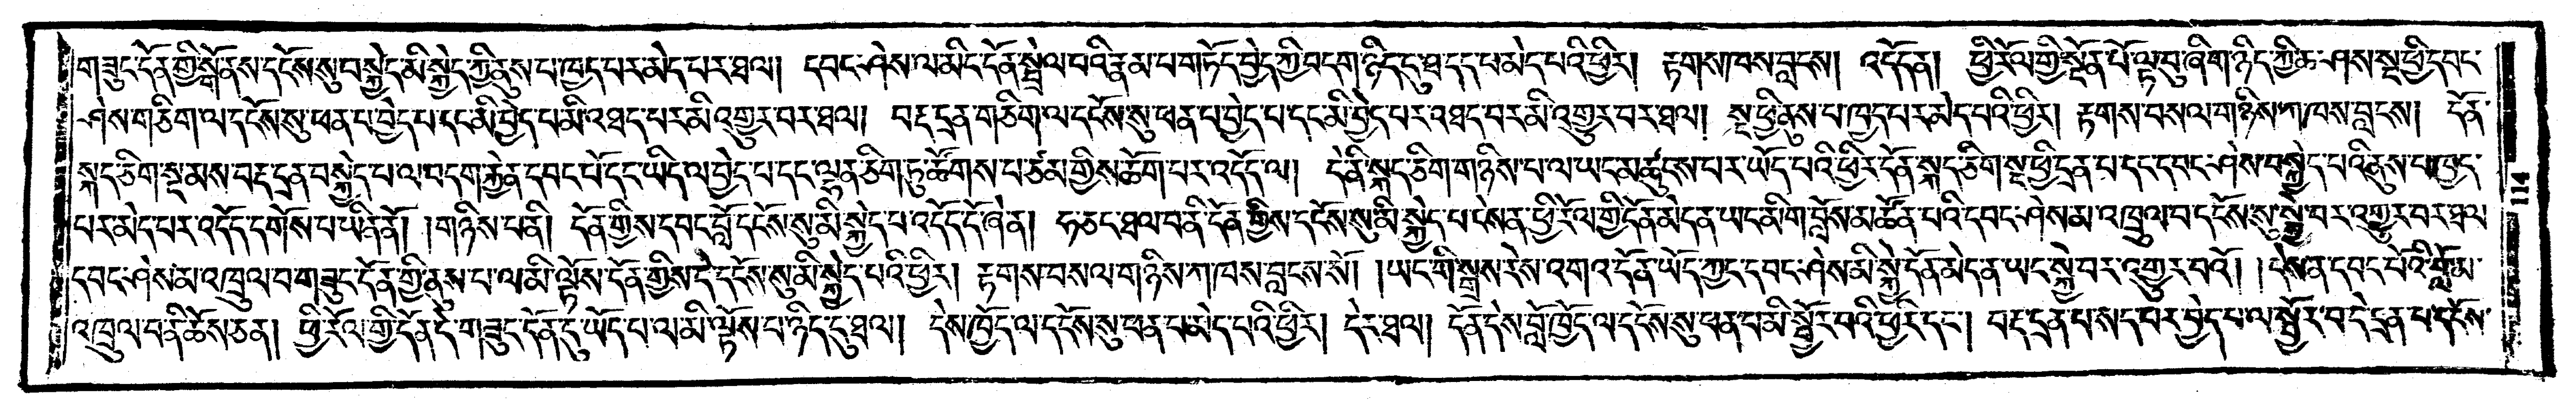གཟུང་དོན་གྱི་སྒོ་ནས་དངོས་སུ་བསྐྱེད་མི་སྐྱེད་ཀྱི་ནུས་པ་ཁྱད་པར་མེད་པར་ཐལ། དབང་ཤེས་ལ་མིང་དོན་སྦྲེལ་བའི་རྣམ་པ་གཏོད་བྱེད་ཀྱི་བདག་ཉིད་དུ་ཐ་དད་པ་མེད་པའི་ཕྱིར། རྟགས་ཁས་བླངས། འདོད་ན། ཕྱི་རོལ་གྱི་སྔོན་པོ་ལྟ་བུ་ཞིག་ཉིད་ཀྱི་ཆ་ཤས་སྔ་ཕྱི་དབང་
ཤེས་གཅིག་ལ་དངོས་སུ་ཕན་པ་བྱེད་པ་དང་མི་བྱེད་པ་མི་འཐད་པར་མི་འགྱུར་བར་ཐལ། བརྡ་དྲན་གཅིག་ལ་དངོས་སུ་ཕན་པ་བྱེད་པ་དང་མི་བྱེད་པར་འཐད་པར་མི་འགྱུར་བར་ཐལ། སྔ་ཕྱི་ནུས་པ་ཁྱད་པར་མེད་པའི་ཕྱིར། རྟགས་བསལ་གཉིས་ཀ་ཁས་བླངས། དོན་
སྐད་ཅིག་སྔ་མས་བརྡ་དྲན་བསྐྱེད་པ་ལ་བདག་རྐྱེན་དབང་པོ་དང་ཡིད་ལ་བྱེད་པ་དང་ལྷན་ཅིག་ཏུ་ཚོགས་པ་ཙམ་གྱིས་ཆོག་པར་འདོད་ལ། དེ་ནི་སྐད་ཅིག་གཉིས་པ་ལ་ཡང་མཚུངས་པར་ཡོད་པའི་ཕྱིར་དོན་སྐད་ཅིག་སྔ་ཕྱི་དྲན་པ་དང་དབང་ཤེས་བསྐྱེད་པའི་ནུས་པ་ཁྱད་
པར་མེད་པར་འདོད་དགོས་པ་ཡིན་ནོ། །གཉིས་པ་ནི། དོན་གྱིས་དབང་བློ་དངོས་སུ་མི་སྐྱེད་པ་འདོད་དོ་ཞེ་ན། ཧ་ཅང་ཐལ་བ་ནི་དོན་གྱིས་དངོས་སུ་མི་སྐྱེད་པ་ངེས་ན་ཕྱི་རོལ་གྱི་དོན་མེད་ན་ཡང་མིག་བློས་མཚོན་པའི་དབང་ཤེས་མ་འཁྲུལ་བ་དངོས་སུ་སྐྱེ་བར་འགྱུར་བར་ཐལ་
དབང་ཤེས་མ་འཁྲུལ་བ་གཟུང་དོན་གྱི་ནུས་པ་ལ་མི་ལྟོས་དོན་གྱིས་དེ་དངོས་སུ་མི་སྐྱེད་པའི་ཕྱིར། རྟགས་བསལ་གཉིས་ཀ་ཁས་བླངས་སོ། །ཡང་གི་སྒྲས་རེས་འགའ་དོན་ཡོད་ཀྱང་དབང་ཤེས་མི་སྐྱེ་དོན་མེད་ན་ཡང་སྐྱེ་བར་འགྱུར་བའོ། །དེས་ན་དབང་པོའི་བློ་མ་
འཁྲུལ་བ་ནི་ཆོས་ཅན། ཕྱི་རོལ་གྱི་དོན་དེ་གཟུང་དོན་དུ་ཡོད་པ་ལ་མི་ལྟོས་པ་ཉིད་དུ་ཐལ། དེས་ཁྱོད་ལ་དངོས་སུ་ཕན་པ་མེད་པའི་ཕྱིར། དེར་ཐལ། དོན་དེས་བློ་ཁྱོད་ལ་དངོས་སུ་ཕན་པ་མི་སྦྱོར་བའི་ཕྱིར་དང་། བརྡ་དྲན་པ་སད་པར་བྱེད་པ་ལ་སྦྱོར་བ་དེ་དྲན་པ་དངོས་